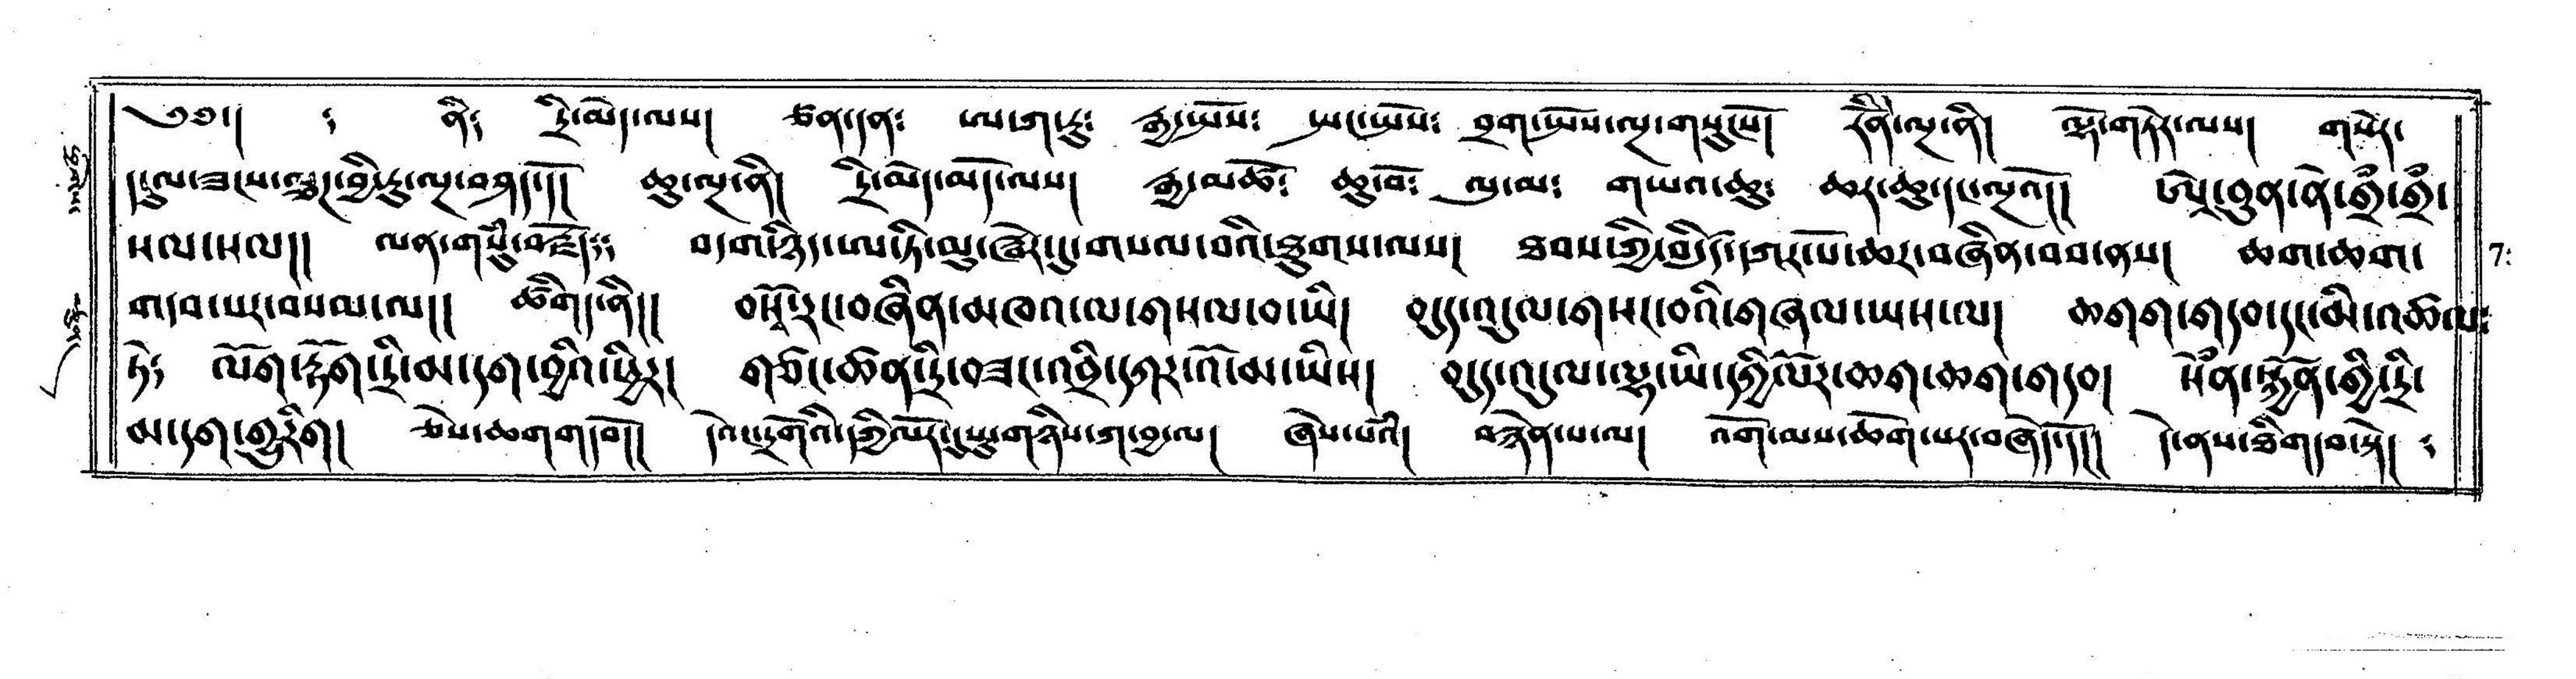ནི། དྲི་མེད་ལས། ཙན་དན༴ ཨ་ཀ་རུ༴ རྒྱ་སྤོས༴ སྤང་སྤོས༴ བྲག་སྤོས་ལྔ་གསུངས་སོ། རིན་པོ་ཆེ་ལྔ་ནི། ལྷོ་གཏེར་ལས། གསེར་
དངུལ་ཟངས་ལྕགས་བྱི་རུ་ལྔ་བཤད་དོ། ཆུ་ལྔ་ནི། དྲི་མེད་མདོ་ལས། རྒྱ་མཚོ༴ ཆུ་བོ༴ ལུ་མ༴ གཡའ་ཆུ༴ ཆར་ཆུ་དང་ལྔའོ།། ཨཱེ་བུན་ནེ་གྲཾ་གྲཾ་
སལ་སལ།། ལན་གསུམ་བརྗོད བདག་ཉིད་ཨ་ཏི་མུ་ཝེར་དུ་གསལ་བའི་ཐུགས་ལས། ཐབས་ཀྱི་བདུད་རྩི་དཀར་པོ་ཆར་བཞིན་བབ་ནས། ཆག་ཆག་
གདབ་པར་བསམ་ལ། ཚིག་བཤད་ནི།། བསྭོ་རང་བཞིན་མཁའ་ལ་གསལ་བ་ཡི། བདུད་འདུལ་གསང་བའི་གཞལ་ཡས་ལ། ཆག་ཆག་གདབ་དང་མི་འཚལ་
ཏེ། ལོག་རྟོག་དྲི་མ་དག་བྱའི་ཕྱིར། གཙང་ཚན་དྲི་བཟང་འབྲི་དཀར་འོ་མ་ཡིས། བདུད་འདུལ་ལྷ་ཡི་དཀྱིལ་འཁོར་ཆག་ཆག་གདབ། སེམས་ཅན་སྐྱོན་གྱི་དྲི་
མ་དག་གྱུར་ཅིག ཅེས་ཆག་ཆག་གདབ་བོ།། དེའང་དྲག་པོའི་དཀྱིལ་འཁོར་དུས་སུ་གཉིས་ཀ་བྱ་ལ། ཞེས་པའམ། བསྙེན་པ་ལ། འོག་མས་ཆོག་པར་བཞེད་དོ།། དེ་ནས་ཐིག་གདབ་སྟེ།